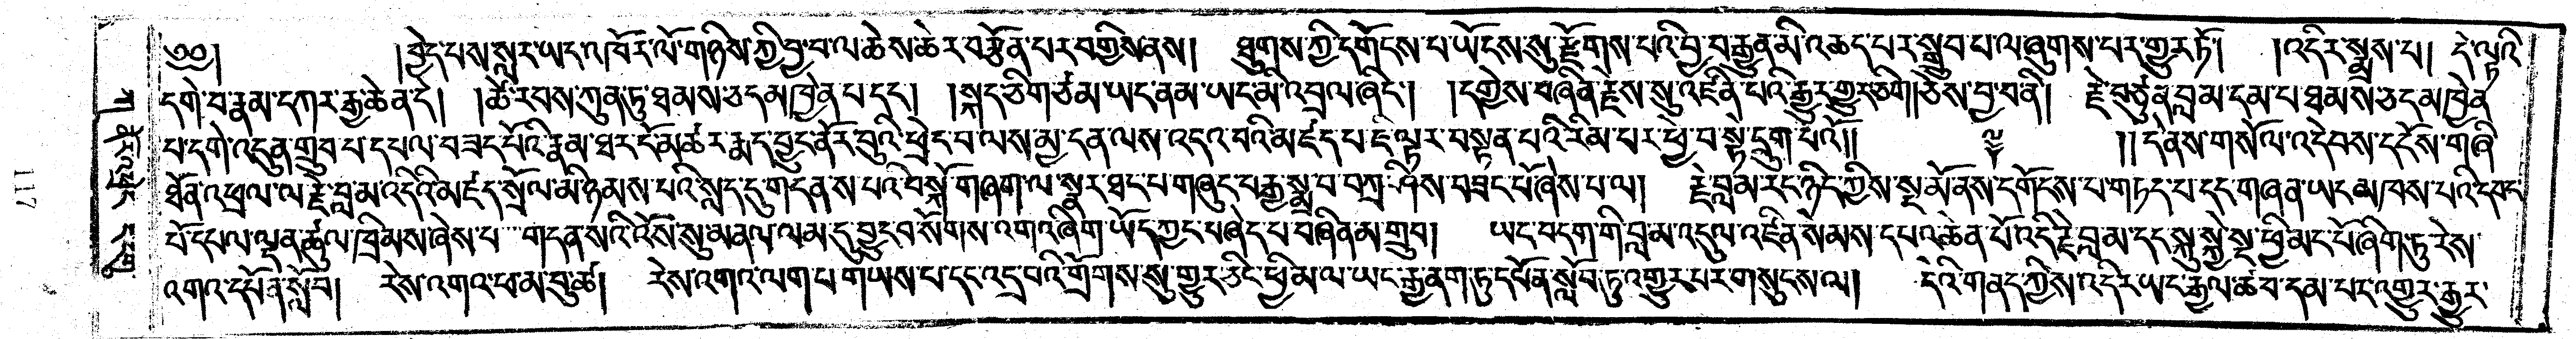༄༅། །བྱེད་པས་སླར་ཡང་འཁོར་ལོ་གཉིས་ཀྱི་བྱ་བ་ལ་ཆེས་ཆེར་བརྩོན་པར་བགྱིས་ནས། ཐུགས་ཀྱི་དགོངས་པ་ཡོངས་སུ་རྫོགས་པའི་བྱ་བ་རྒྱུན་མི་འཆད་པར་སྒྲུབ་པ་ལ་ཞུགས་པར་གྱུར་ཏོ། །འདིར་སྨྲས་པ། དེ་ལྟའི་
དགེ་བ་རྣམ་དཀར་རྒྱ་ཆེན་དེ། །ཚེ་རབས་ཀུན་ཏུ་ཐམས་ཅད་མཁྱེན་པ་དང་། །སྐད་ཅིག་ཙམ་ཡང་ནམ་ཡང་མི་འབྲལ་ཞིང་། །དགྱེས་བཞིན་རྗེས་སུ་འཛིན་པའི་རྒྱུར་གྱུར་ཅིག །ཅེས་བྱ་བ་ནི། རྗེ་བཙུན་བླ་མ་དམ་པ་ཐམས་ཅད་མཁྱེན་
པ་དགེ་འདུན་གྲུབ་པ་དཔལ་བཟང་པོའི་རྣམ་ཐར་ངོ་མཚར་རྨད་བྱུང་ནོར་བུའི་ཕྲེང་བ་ལས་མྱ་ངན་ལས་འདའ་བའི་མཛད་པ་ཇི་ལྟར་བསྟན་པའི་རིམ་པར་ཕྱེ་བ་སྟེ་དྲུག་པའོ།། ༈ །།དེ་ནས་གསོལ་འདེབས་དངོས་གཞི་
ཐོན་འཕྲལ་ལ་རྗེ་བླ་མ་འདིའི་མཛད་སྲོལ་མི་ཉམས་པའི་སླད་དུ་གདན་ས་པའི་བསྐོ་གཞག་ལ་སྣར་ཐང་པ་གཞུང་བརྒྱ་སྨྲ་བ་བཀྲ་ཤིས་བཟང་པོ་ཞེས་པ་ལ། རྗེ་བླ་མ་རང་ཉིད་ཀྱིས་སྔ་མོ་ནས་དགོངས་པ་གཏད་པ་དང་གཞན་ཡང་མཁས་པའི་དབང་
པོ་དཔལ་ལྡན་ཚུལ་ཁྲིམས་ཞེས་པ་གདན་སའི་འོས་སུ་མནལ་ལམ་དུ་བྱུང་བ་སོགས་འགའ་ཞིག་ཡོད་ཀྱང་པ་ཞེད་པ་བཞིན་མ་གྲུབ། ཡང་བདག་གི་བླ་མ་འདུལ་འཛིན་སེམས་དཔའ་ཆེན་པོ་འདི་རྗེ་བླ་མ་དང་སྐུ་སྐྱེ་སྔ་ཕྱི་མང་པོ་ཞིག་ཏུ་རེས་
འགའ་དཔོན་སློབ། རེས་འགའ་ཕ་མ་བུ་ཚ། རེས་འགའ་ལག་པ་གཡས་པ་དང་འདྲ་བའི་གྲོགས་སུ་གྱུར་ཅིང་ཕྱི་མ་ལ་ཡང་རྒྱ་ནག་ཏུ་དཔོན་སློབ་ཏུ་འགྱུར་པར་གསུངས་ལ། དེའི་གནད་ཀྱིས་འདིར་ཡང་རྒྱལ་ཚབ་དམ་པར་འགྱུར་རྒྱུར་